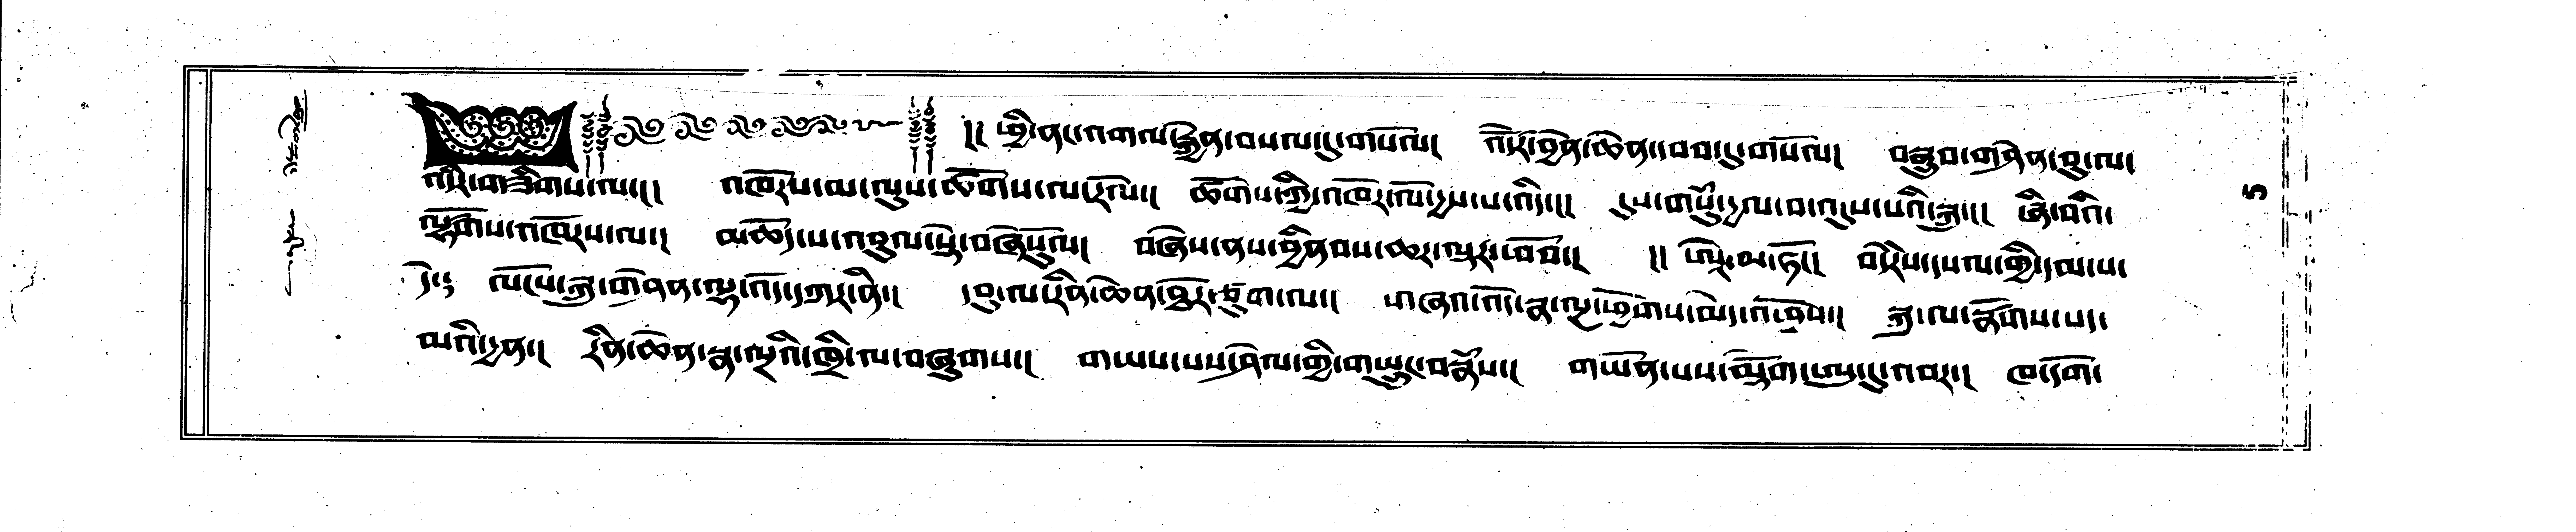ཕྱི་ནང་འགལ་རྐྱེན་བསལ་དུ་གསོལ། འོད་ཟེར་བྱེན་ཆེན་དབབ་དུ་གསོལ། བསྒྲུབ་ཆེན་བུ་ལ་
འདིར་གཟིགས་ལ།། འཁོར་འདས་མ་ལུས་ཚོགས་ལ་རོལ། ཚོགས་ཀྱི་འཁོར་ལོ་རྒྱས་པ་འདི། དུས་གསུམ་རྒྱལ་བ་འདུས་པའི་སྐུ། ཞི་བའི་
ལྷ་ཚོགས་འཁོར་འདས་ལ། མཆོད་པ་འབུལ་སྡེ་བཞེས་སུ་གསོལ། བཞེས་ནས་བྱིན་རླབས་ཆར་ལྟར་ཕོབ། །།ཨེ་མ་ཧོ། བདེར་དཔལ་གྱི་དམ་པ་
དེ། ལོངས་སྐུ་གཤེན་ལྷ་འོད་དཀར་ནི། དབུ་ལ་རིན་ཆེན་ཐོར་ཙུག་ལ། གཞའ་འོད་སྣ་ལྔ་ཕྱོགས་མེད་འཕྲོས། སྐུ་ལ་སྣ་ཚོགས་པད་
མའི་རྒྱན། རིན་ཆེན་སྣ་ལྔའི་ཁྲི་ལ་བཞུགས། གཡས་པས་ཤེལ་གྱི་གཡུང་དྲུང་བསྣམས། གཡོན་པས་མེ་ཏོག་ཨུ་དུ་འབར། ཁ་དོག་